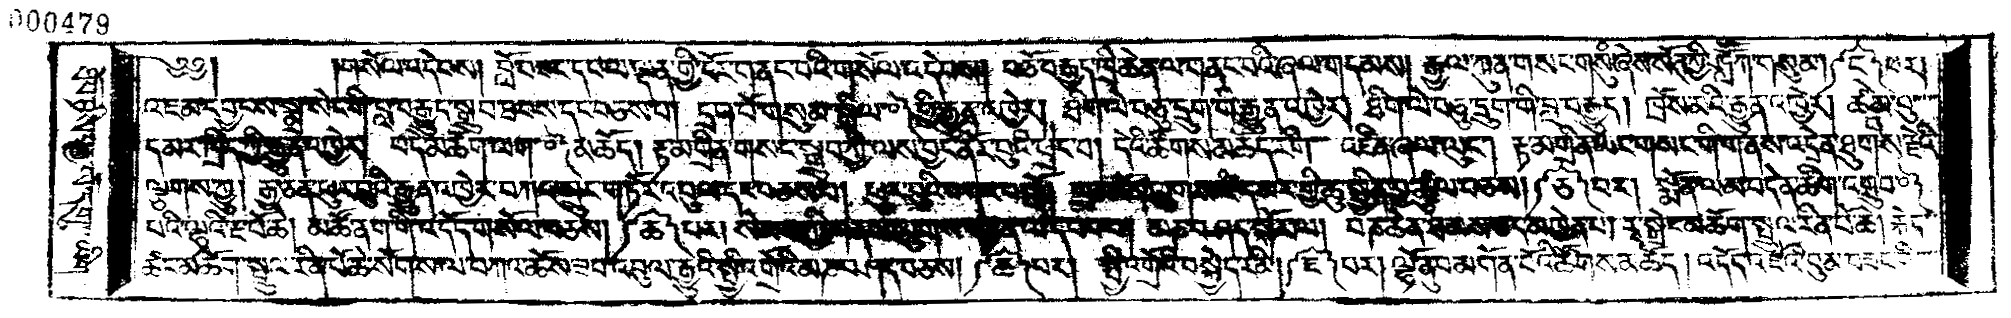༄༅། །གསོལ་འདེབས། བློ་བཟང་དཔལ་ལྡན་གྱི་ངོར་གནང་བའི་གསོལ་འདེབས། བཅོ་བརྒྱུད་ཁྲི་ཆེན་ལ་གནང་བའི་ཞལ་གདམས། རྒྱལ་ཀུན་གསང་གསུཾ་ཞེས་སོཌ་ཀྱི་ཤོལོཀ་གསུམ། ༼ང༽ པར།
འཇལ་དབྱངས་སྨྲ་སེང་གི་བླ་བརྒྱུད་སྒྲུབ་ཐབས་དང་བཅས་པ། དྲག་པོ་གསུམ་སྒྲིལ་གྱི་རྒྱུན་འཁྱེར། ཐིག་ལེ་བཅུ་དྲུག་གི་རྒྱུན་འཁྱེར། ཐིག་ལེ་བཅུ་དྲུག་གི་བླ་བརྒྱུད། ཁྲོས་མའི་རྒྱུན་མཁྱེར། ཚེམ་བུ་
དམར་ཁྲིད་ཀྱི་རྒྱུན་འཁྱེར། བདེ་མཆོག་ལག་྾་མཆོད། རྟ་མགྲིན་གསང་སྒྲུབ་ཀྱི་ལས་བྱང་ནོར་བུའི་ཕྲེང་བ། དེའི་ཚོགས་མཆོད་རིག་འཛིན་ཞལ་ལྷུང་། རྟ་མགྲིན་ཡང་གསང་གི་གནས་འདྲེན་ཐུགས་རྗེའི་
ལྕགས་ཀྱུ། རྒྱ་ཅན་ཕུར་བུའི་རྒྱུན་འཁྱེར་བཀའ་སྲུང་གཏོར་འབུལ་དང་བཅས་པ། ཕུར་བུའི་བཀའ་བསྒོ། གྲ་མངོན་ལུགས་ཛཾ་དམར་གྱི་ཆུ་སྦྱིན་བྱ་ཚུལ་བཅས། ༼ཅ༽ པར། སྨོན་ལམ་བདེན་ཚིག་འགྲུབ་྾
པའི་ལྷའི་རྔ་པོ་ཆེ། མཚོ་ནག་གི་འདོད་གསོལ་བཅས། ༼ཆ༽ པར། སེམས་ཀྱི་གནས་ལུགས་གཏན་ལ་དབབ་པ། མཎ་བཤད་སྐོར་ལ། པཎ་ཆེན་ཐམས་ཅད་མཁྱེན་པ། རྭ་སྒྲེང་མཆོག་སྤྲུལ་རིན་པོ་ཆེ། རྐེད་
ཚང་མཆོད་སྤྲུལ་རིན་པོ་ཆེས་སོགས་ལ་བཀའ་ཆོས་ཟབ་འབུལ་རྒྱུའི་སྤྱི་འགྲོའི་མཎ་བཤད་བཅས། ༼ཆ༽ པར། སྤྱི་འགྲོའི་བསྐྱེད་རིམ། ༼ཇ༽ པར། ལྷོ་ནུབ་མགོན་པོའི་ཚོགས་མཆོད། འདོད་འཇོའི་བུམ་བཟང་གི་